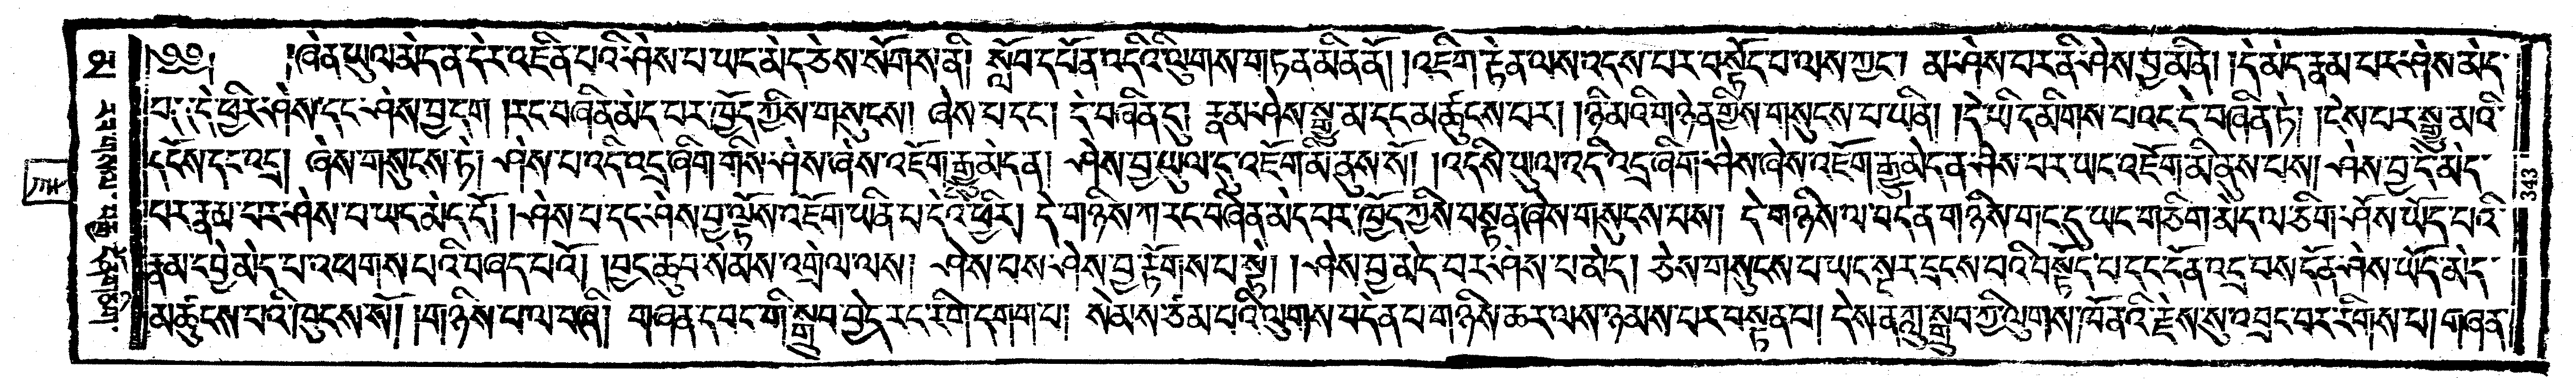༄༅། །ཞེན་ཡུལ་མེད་ན་དེར་འཛིན་པའི་ཤེས་པ་ཡང་མེད་ཅེས་སོགས་ནི། སློབ་དཔོན་འདིའི་ལུགས་གཏན་མིན་ནོ། །འཇིག་རྟེན་ལས་འདས་པར་བསྟོད་པ་ལས་ཀྱང་། མ་ཤེས་པར་ནི་ཤེས་བྱ་མིན། །དེ་མེད་རྣམ་པར་ཤེས་མེད་
པ༑ ༑དེ་ཕྱིར་ཤེས་དང་ཤེས་བྱ་དག །རང་བཞིན་མེད་པར་ཁྱོད་ཀྱིས་གསུངས། ཞེས་པ་དང་། དེ་བཞིན་དུ། རྣམ་ཤེས་སྒྱུ་མ་དང་མཚུངས་པར། །ཉི་མའི་གཉེན་གྱིས་གསུངས་པ་ཡིན། །དེ་ཡི་དམིགས་པའང་དེ་བཞིན་ཏེ། །ངེས་པར་སྒྱུ་མའི་
དངོས་དང་འདྲ། ཞེས་གསུངས་ཏེ། ཤེས་པ་འདི་འདྲ་ཞིག་གིས་ཤེས་ཞེས་འཇོག་རྒྱུ་མེད་ན། ཤེས་བྱ་ཡུལ་དུ་འཇོག་མི་ནུས་སོ། །འདིས་ཡུལ་འདི་འདྲ་ཞིག་ཤེས་ཞེས་འཇོག་རྒྱུ་མེད་ན་ཤེས་པར་ཡང་འཇོག་མི་ནུས་པས། ཤེས་བྱ་དེ་མེད་
པར་རྣམ་པར་ཤེས་པ་ཡང་མེད་དོ། །ཤེས་པ་དང་ཤེས་བྱ་ལྟོས་འཇོག་ཡིན་པ་དེའི་ཕྱིར། དེ་གཉིས་ཀ་རང་བཞིན་མེད་པར་ཁྱོད་ཀྱིས་བསྟན་ཞེས་གསུངས་པས། དེ་གཉིས་ལ་བདེན་གཉིས་གང་དུ་ཡང་གཅིག་མེད་ལ་ཅིག་ཤོས་ཡོད་པའི་
རྣམ་དབྱེ་མེད་པ་འཕགས་པའི་བཞེད་པའོ། །བྱང་ཆུབ་སེམས་འགྲེལ་ལས། ཤེས་པས་ཤེས་བྱ་རྟོགས་པ་སྟེ། །ཤེས་བྱ་མེད་པར་ཤེས་པ་མེད། ཅེས་གསུངས་པ་ཡང་སྔར་དྲངས་པའི་བསྟོད་པ་དང་དོན་འདྲ་བས་དོན་ཤེས་ཡོད་མེད་
མཚུངས་པའི་ཁུངས་སོ། །གཉིས་པ་ལ་བཞི། གཞན་དབང་གི་སྒྲུབ་བྱེད་རང་རིག་དགག་པ། སེམས་ཙམ་པའི་ལུགས་བདེན་པ་གཉིས་ཆར་ལས་ཉམས་པར་བསྟན་པ། དེས་ན་ཀླུ་སྒྲུབ་ཀྱི་ལུགས་ཁོ་ནའི་རྗེས་སུ་འབྲང་བར་རིགས་པ། གཞན་